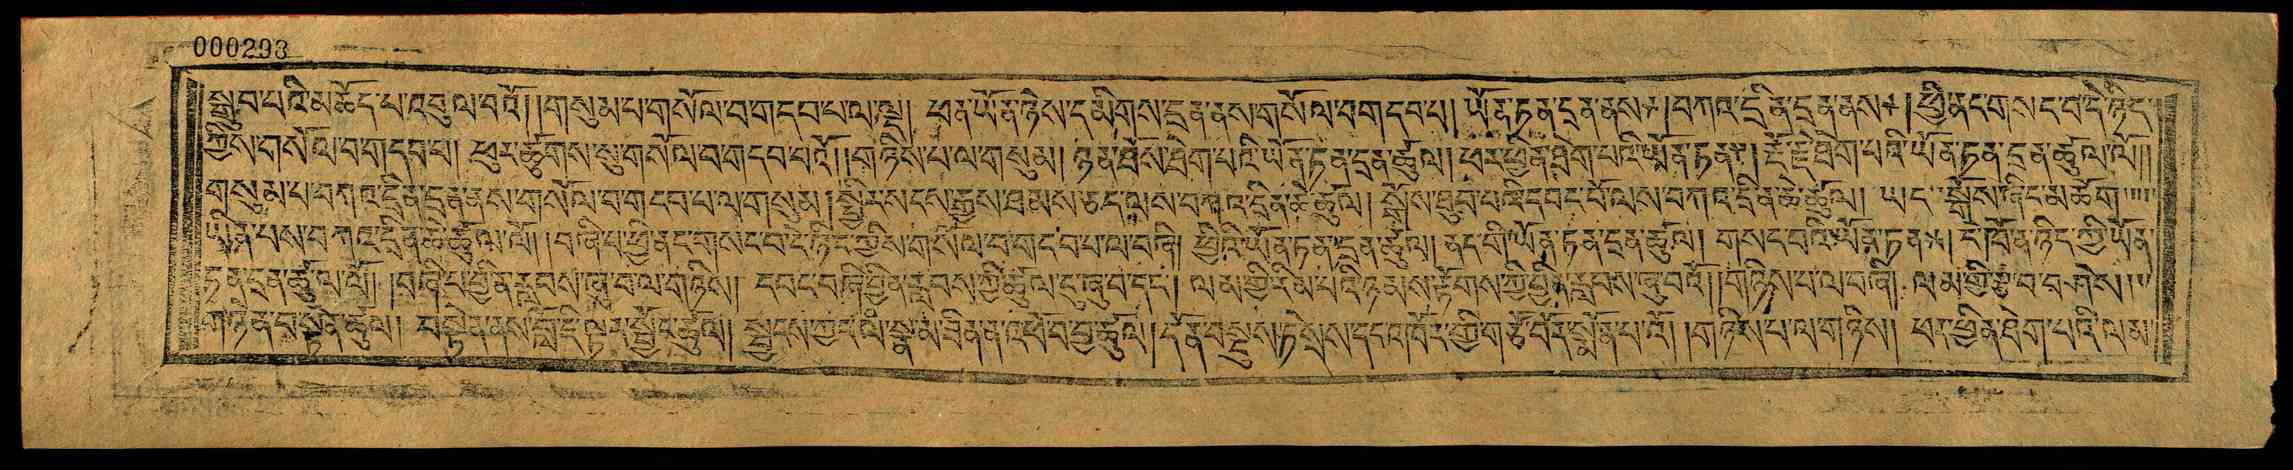སྒྲུབ་པའི་མཆོད་པ་འབུལ་བའོ། །གསུམ་པ་གསོལ་བ་གདབ་པ་ལ་ལྔ། ཕན་ཡོན་ཉེས་དམིགས་དྲན་ནས་གསོལ་བ་གདབ་པ། ཡོན་ཏན་དྲན་ནས་྾། བཀའ་དྲིན་དྲན་ནས་྾། ཕྱི་ནང་གསང་བ་དེ་ཉིད་
ཀྱིས་གསོལ་བ་གདབ་པ། ཕུར་ཚུགས་སུ་གསོལ་བ་གདབ་པའོ། །གཉིས་པ་ལ་གསུམ། ཉན་ཐོས་ཐེག་པའི་ཡོན་ཏན་དྲན་ཚུལ། ཕར་ཕྱིན་ཐེག་པའི་ཡོན་ཏན་྾། རྡོ་རྗེ་ཐེག་པའི་ཡོན་ཏན་དྲན་ཚུལ་ལོ། །
གསུམ་པ་བཀའ་དྲིན་དྲན་ནས་གསོལ་བ་གདབ་པ་ལ་གསུམ། སྤྱིར་སངས་རྒྱས་ཐམས་ཅད་ལས་བཀའ་དྲིན་ཆེ་ཚུལ། སྒོས་ཐུབ་པའི་དབང་པོ་ལས་བཀའ་དྲིན་ཆེ་ཚུལ། ཡང་སྒོས་ཞིང་མཆོག་
ཡིན་པས་བཀའ་དྲིན་ཆེ་ཚུལ་ལོ། །བཞི་པ་ཕྱི་ནང་གསང་བ་དེ་ཉིད་ཀྱིས་གསོལ་བ་གདབ་པ་ལ་བཞི། ཕྱིའི་ཡོན་ཏན་དྲན་ཚུལ། ནང་གི་ཡོན་ཏན་དྲན་ཚུལ། གསང་བའི་ཡོན་ཏན་྾། དེ་ཁོ་ན་ཉིད་ཀྱི་ཡོན་
ཏན་དྲན་ཚུལ་ལོ། །བཞི་པ་བྱིན་རླབས་ཞུ་བ་ལ་གཉིས། དབང་བཞི་བྱིན་རླབས་ཀྱི་ཚུལ་དུ་ཞུ་བ་དང་། ལམ་གྱི་རིམ་པའི་ཉམས་རྟོགས་ཀྱི་བྱིན་རླབས་ཞུ་བའོ། །གཉིས་པ་ལ་བཞི། ལམ་གྱི་རྩ་བ་བཤེས་
གཉེན་བསྟེན་ཚུལ། བསྟེན་ནས་བློ་ཇི་ལྟར་སྦྱོང་ཚུལ། སྦྱངས་ཀྱང་ལཾ་སྣ་མ་ཟིན་ན་འཕོ་བ་བྱ་ཚུལ། དོན་བསྡུས་ཏེ་སྲས་དང་འཁོར་གྱི་གཙོ་བོར་སྨོན་པའོ། །གཉིས་པ་ལ་གཉིས། ཕར་ཕྱིན་ཐེག་པའི་ལམ་